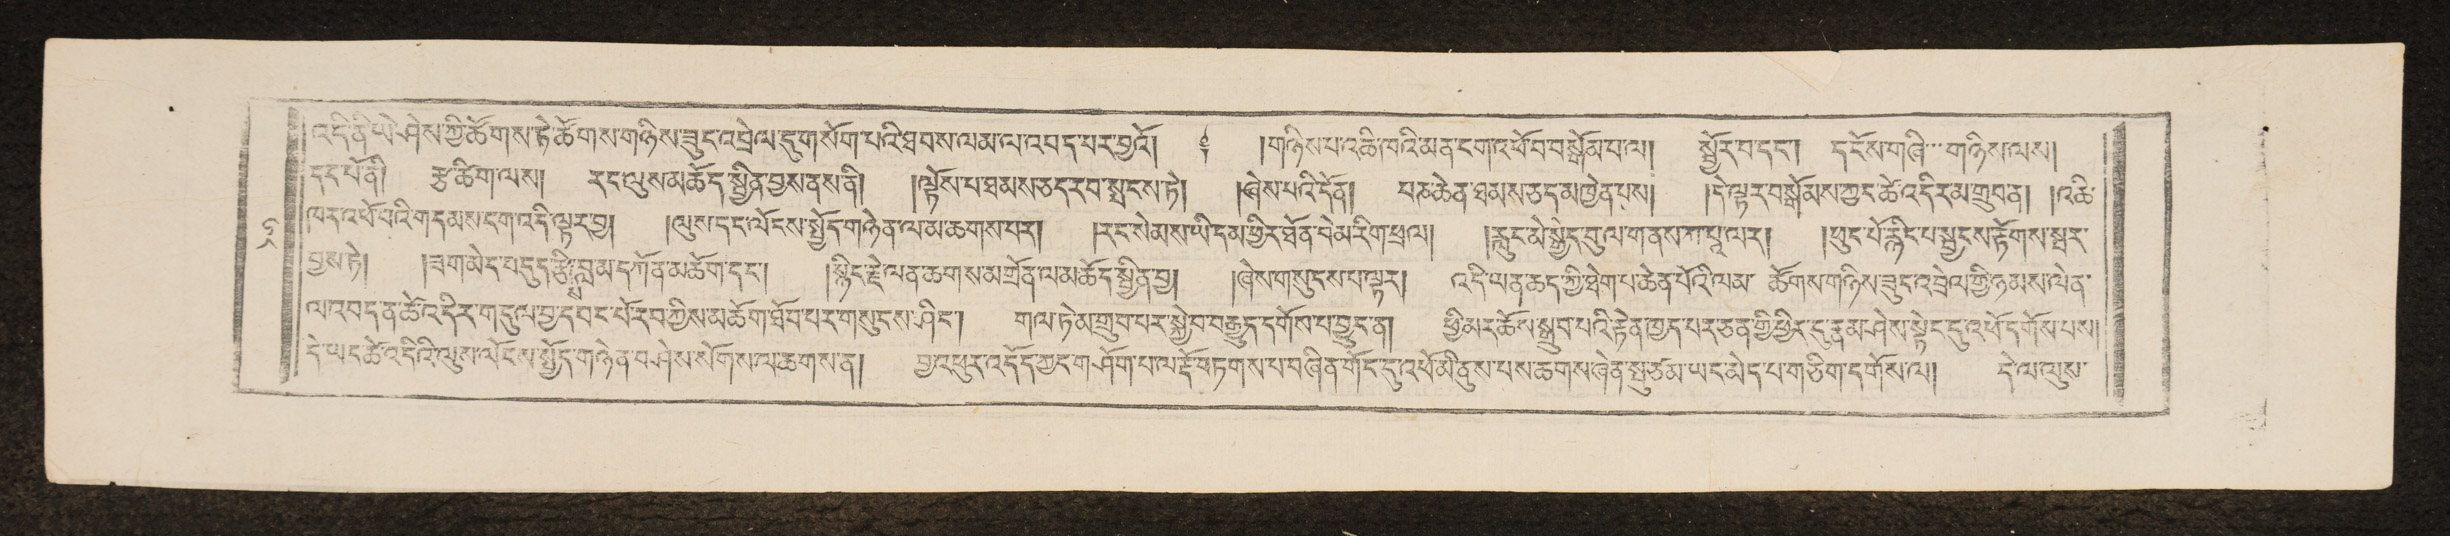འདི་ནི་ཡེ་ཤེས་ཀྱི་ཚོགས་ཏེ་ཚོགས་གཉིས་ཟུང་འབྲེལ་དུ་གསོག་པའི་ཐབས་ལམ་ལ་འབད་པར་བྱའོ། ༈ །གཉིས་པ་འཆི་ཁའི་མན་ངག་འཕོ་བ་བསྒོམ་པ་ལ། སྦྱོར་བ་དང་། དངོས་གཞི་གཉིས་ལས།
དང་པོ་ནི། རྩ་ཚིག་ལས། རང་ལུས་མཆོད་སྦྱིན་བྱས་ནས་ནི། །ལྟོས་པ་ཐམས་ཅད་རབ་སྤངས་ཏེ། །ཞེས་པའི་དོན། པཎ་ཆེན་ཐམས་ཅད་མཁྱེན་པས། །དེ་ལྟར་བསྒོམས་ཀྱང་ཚེ་འདིར་མ་གྲུབ་ན། །འཆི་
ཁར་འཕོ་བའི་གདམས་ངག་འདི་ལྟར་བྱ། །ལུས་དང་ལོངས་སྤྱོད་གཉེན་ལ་མ་ཆགས་པར། །རང་སེམས་ཡི་དམ་ཕྱིར་ཐོན་བེམ་རིག་ཕྲལ། །རླུང་མེ་སྒྱེད་བུ་ལ་གནས་ཀ་པཱ་ལར། །ཕུང་པོ་རྙིང་པ་སྦྱངས་རྟོགས་སྦར་
བྱས་ཏེ། །ཟག་མེད་བདུད་རྩིས་བླ་མ་དཀོན་མཆོག་དང་། །སྙིང་རྗེ་ལན་ཆགས་མགྲོན་ལ་མཆོད་སྦྱིན་བྱ། །ཞེས་གསུངས་པ་ལྟར། འདི་ཡན་ཆད་ཀྱི་ཐེག་པ་ཆེན་པོའི་ལམ་ཚོགས་གཉིས་ཟུང་འབྲེལ་གྱི་ཉམས་ལེན་
ལ་འབད་ན་ཚེ་འདིར་གདུལ་བྱ་དབང་པོ་རབ་ཀྱིས་མཆོག་ཐོབ་པར་གསུངས་ཤིང་། གལ་ཏེ་མ་གྲུབ་པར་སྐྱེ་བ་བརྒྱུད་དགོས་པ་བྱུང་ན། ཕྱི་མར་ཆོས་སྒྲུབ་པའི་རྟེན་ཁྱད་པར་ཅན་གྱི་ཕྱིར་དུ་རྣམ་ཤེས་སྟེང་དུ་འཕོ་དགོས་པས།
དེ་ཡང་ཚེ་འདིའི་ལུས་ལོངས་སྤྱོད་གཉེན་བཤེས་སོགས་ལ་ཆགས་ན། བྱ་འཕུར་འདོད་ཀྱང་གཤོག་པ་ལ་རྡོ་བཏགས་ཕ?་བཞིན་གོང་དུ་འཕོ་མི་ནུས་པས་ཆགས་ཞེན་སྤུ་ཙམ་ཡང་མེད་པ་གཅིག་དགོས་ལ། དེ་ལ་ལུས་